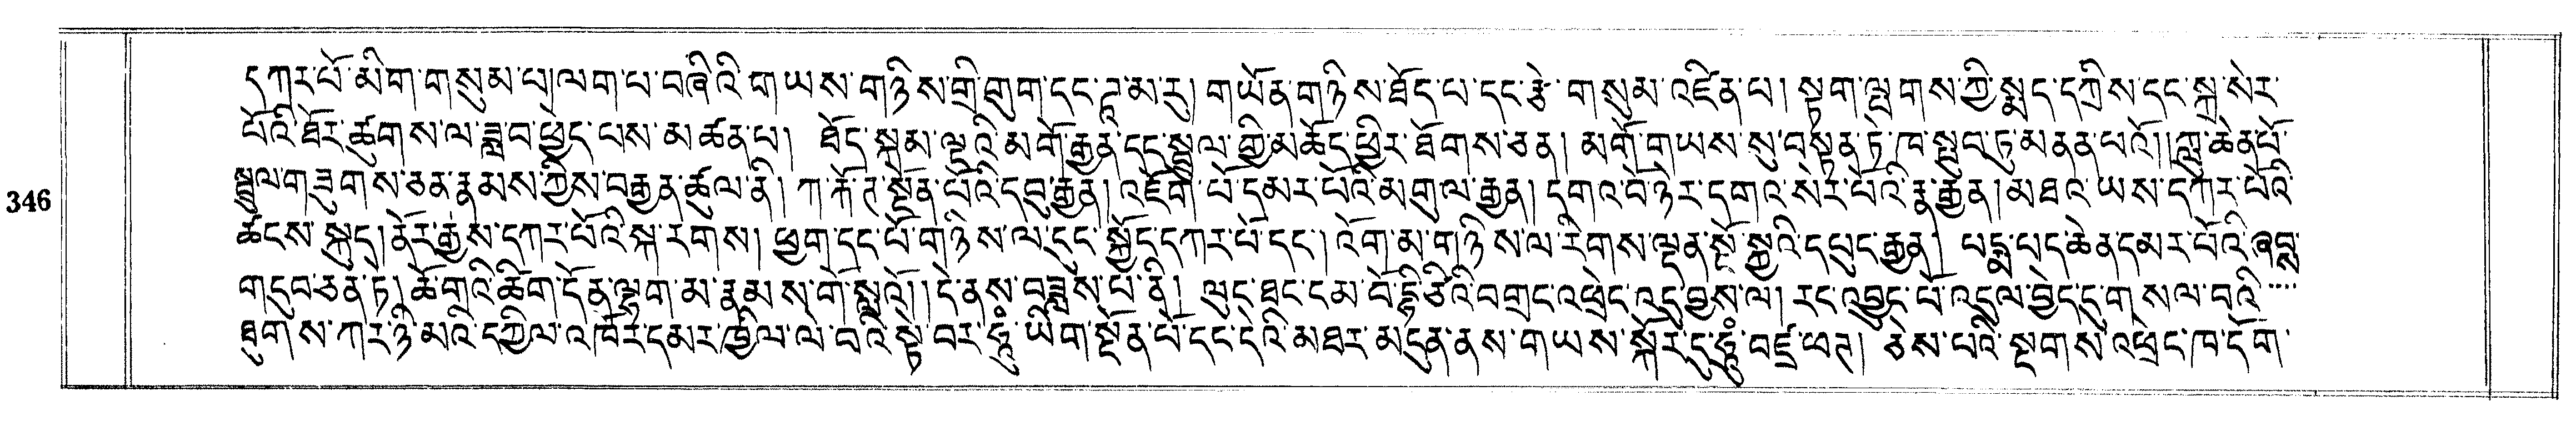དཀར་པོ་མིག་གསུམ་པ། ལག་པ་བཞིའི་གཡས་གཉིས་གྲི་གུག་དང་ཌཱ་མ་རུ། གཡོན་གཉིས་ཐོད་པ་དང་རྩེ་གསུམ་འཛིན་པ། སྟག་ལྤགས་ཀྱི་སྨད་དཀྲིས་དང་སྐྲ་སེར་
པོའི་ཐོར་ཚུགས་ལ་ཟླ་བ་ཕྱེད་པས་མཚན་པ། ཐོད་སྐམ་ལྔའི་མགོ་རྒྱན་དང་སྦྲུལ་གྱི་མཆོད་ཕྱིར་ཐོགས་ཅན། མགོ་གཡས་སུ་བསྟན་ཏེ་ཁ་སྤུབ་ཏུ་མནན་པའོ། །ཀླུ་ཆེན་པོ་
སྦྲུལ་གཟུགས་ཅན་རྣམས་ཀྱིས་བརྒྱན་ཚུལ་ནི། ཀ་རྐོ་ཊ་སྔོན་པོའི་དབུ་རྒྱན། འཇོག་པོ་དམར་པོའི་མགུ་ལ་རྒྱན། དགའ་བོ་ཉེར་དགའ་སེར་པོའི་རྣ་རྒྱན། མཐའ་ཡས་དཀར་པོའི་
ཚངས་སྐུད། ནོར་རྒྱས་དཀར་པོའི་སྐ་རགས། ཕྱག་དང་པོ་གཉིས་ལ་དུང་སྐྱོད་དཀར་པོ་དང་། འོག་མ་གཉིས་ལ་རིགས་ལྡན་སྔོ་སྐྱའི་དཔུང་རྒྱན། པདམ་པད་ཆེན་དམར་པོའི་ཞབས་
གདུབ་ཅན་ཏེ། ཆོ་གའི་ཚིག་དོན་ལྷག་མ་རྣམས་གོ་སླའོ། །དེ་ནས་བཟླས་པ་ནི། ལུང་ཐང་ངམ་བོ་དྷི་ཙིའི་བགྲང་འཕྲེང་འདུ་བྱས་ལ། རང་འབྱུང་པོ་འདུལ་བྱེད་དུ་གསལ་བའི་
ཐུགས་ཀར་ཉི་མའི་དཀྱིལ་འཁོར་དམར་ཁྱིལ་ལ་བའི་སྟེ་བར་ཧཱུཾ་ཡིག་སྔོན་པོ་དང་དེའི་མཐར་མདུན་ནས་གཡས་སྐོར་དུ་ཧཱུཾ་བཛྲ་ཕཊ། ཅེས་པའི་སྔགས་འཕྲེང་ཁ་དོག་